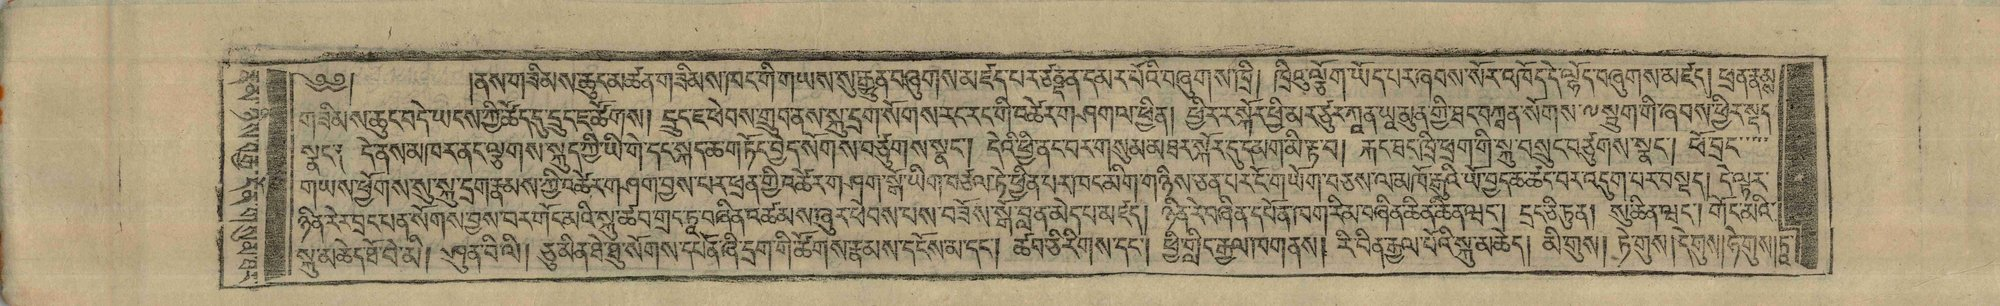༄༅། །ནས་གཟིམས་ཆུང་མཚན་གཟིམས་ཁང་གི་གཡས་སུ་རྒྱུན་བཞུགས་མཛད་པར་ཙནྡན་དམར་པོའི་བཞུགས་ཁྲི། ཁྲིའུ་ལྕོག་ཡོད་པར་ཞབས་སོར་འཁོད་དེ་ལྷོད་བཞུགས་མཛད། ཕྲན་རྣམས་
གཟིམས་ཆུང་བདེ་ཡངས་ཀྱི་ཚོད་དུ་དྲུང་ཇ་ཚོགས། དྲུང་ཇ་ཕེབས་གྲུབ་ནས་སྐུ་དྲག་སོགས་རང་རང་གི་འཚེར་གཤག་ལ་ཕྱིན། ཕྱིར་ར་སྐོར་ཕྱི་མར་ཙུར་ཀཱན་ཡཱ་མུན་གྱི་ཐང་བཀྭན་སོགས་༧སྦུག་གི་ཞབས་ཕྱིར་སྡད་
སྣང་། དེ་ནས་མཁར་ནང་ལྕགས་སྐུད་ཀྱི་ཡི་གེ་དང་སྐད་ཆ་གཏོང་བྱེད་སོགས་བཙུགས་སྣང་། དེའི་ཕྱི་ནང་བར་གསུམ་མཐར་སྐོར་དུ་དམག་མི་རྟ་བ། རྐང་ཐང་ཁྲི་ཕྲག་གི་སྐུ་བསྲུང་བཙུགས་སྣང་། ཕོ་བྲང་
གཡས་ཕྱོགས་སུ་སྐུ་དྲག་རྣམས་ཀྱི་འཚེར་གཤག་བྱས་པར་ཕྲན་གྱི་འཚེར་གཤག་སྒོ་ཡིག་བཙལ་ཏེ་ཕྱིན་པར་ཁང་མིག་གཉིས་ཅན་པར་ངོ་གཡོག་བཅས་ལ་མཁོ་རྒུའི་ཡོ་བྱད་ཆ་ཚང་བར་འདུག་པར་བསྡད། དེ་ལྟར་
ཉིན་རེར་བྲང་པན་སོགས་བྱས་པར་གོང་མའི་སྐུ་ཚབ་གྲང་ཏཱ་བཞིན་འཚམས་ཞུར་ཕེབས་པས་བཟོས་སྒོ་བླ་ན་མེད་པ་མཛད། ཉིན་རེ་བཞིན་དཔོན་ཁག་རིམ་བཞིན་ཆིན་ཆིན་ཝང་། དྲང་ཅི་ཏུན། སུ་ཆིན་ཝང་། གོང་མའི་
སྐུ་མཆེད་ཐོ་བེ་མི། ཤུན་བི་ལི། ཅུ་མིན་ཐེ་ཐུ་སོགས་དཔོན་ཞི་དྲག་གི་ཚོགས་རྣམས་དངོས་མ་དང་། ཚབ་ཅི་རིགས་དང་། ཕྱི་གླིང་རྒྱལ་ཁག་ནས། རི་བིན་རྒྱལ་པོའི་སྐུ་མཆེད། མི་གུས། ཏེ་གུས། དེ་གུས། ཧེ་གུས། ཏཱ་